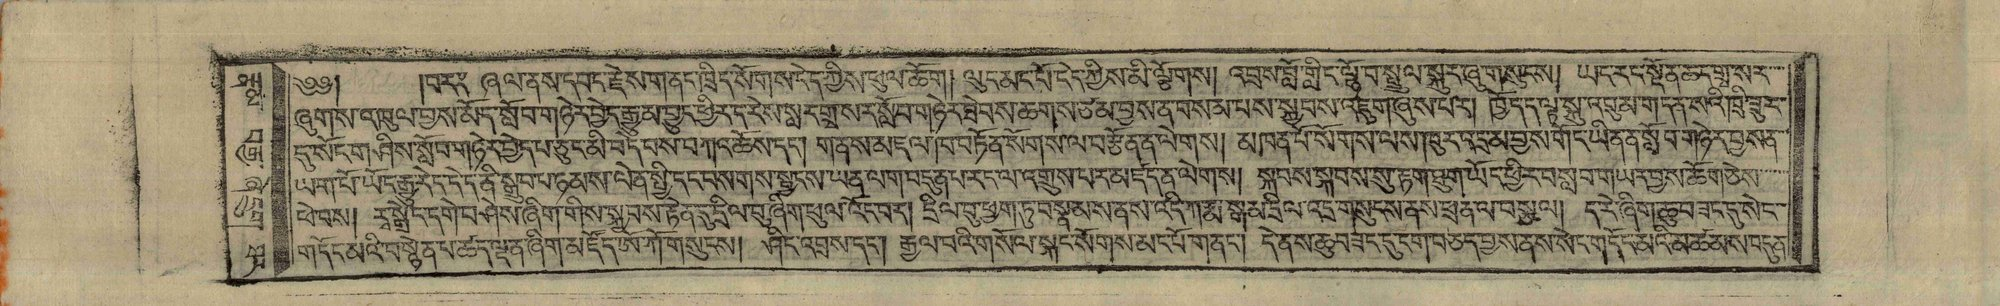༄༅། །བར༑ ཞལ་ནས་དབང་རྗེས་གནང་ཁྲིད་སོགས་ངེད་ཀྱིས་ཕུལ་ཆོག །ལུང་མང་པོ་ངེད་ཀྱིས་མི་ལྕོགས། འབྲས་བློ་གླིང་ལྷོ་བ་སྤྲུལ་སྐུར་ཞུ་གསུངས། ཡང་རང་སྔོན་ཆད་གྲྭ་སར་
ཞུགས་འཁུལ་བྱས་མོད་སློབ་གཉེར་བྱེད་རྒྱུ་མ་བྱུང་ཕྱིར་ད་རེས་སླར་གྲྭ་སར་སློབ་གཉེར་ཐེབས་ཆགས་ཙམ་བྱས་ན་བསམ་པས་སྐྱབས་འཇུག་ཞུས་པར། ཁྱོད་ད་ལྟ་སྐུ་འབུམ་གདན་སའི་ཁྲི་ཟུར་
དུ་སོང་གཤིས་སློབ་གཉེར་བྱེད་པ་ཅུང་མི་བདེ་བས་བཀའ་ཆོས་དང་། གནས་མཇལ་ཁ་བཏོན་སོགས་ལ་བརྩོན་ན་ལེགས། མཁན་པོ་སོགས་ལས་ཁུར་འདྲ་མ་བྱས་གོང་ཡིན་ན་སློབ་གཉེར་བྱས་ན་
ཡག་པོ་ཡོང་རྒྱུ་རེད་དེ་ད་ནི་སྒྲུབ་པ་ཉམས་ལེན་སྤྱི་དང་བསགས་སྦྱངས་ཡན་ལག་བདུན་པ་རང་ལ་འགྲུས་པར་མཛད་ན་ལེགས། སྐབས་སྐབས་སུ་རྟག་ཐུག་ཡོང་ཕྱིར་བསླབ་གཡར་བྱས་ཆོག་ཅེས་
ཕེབས། རྭ་སྒྲེང་དགེ་བཤེས་ཞིག་གིས་སྐྱབས་རྟེན་དུ་དྲིལ་བུ་ཞིག་ཕུལ་འོང་བར། དྲིལ་བུ་ཕྱག་ཏུ་བསྣམས་ནས་འདི་ཀརྨ་སྒམ་དྲིལ་འདྲ་གསུངས་ནས་ཕྲན་ལ་བསྩལ། ད་རེ་ཞིག་ཆུ་བཟང་དུ་སེང་
གདོང་མའི་བསྙེན་པ་ཚད་ལྡན་ཞིག་མཛོད་ཨོ་ཀོ་གསུངས། ཤིང་འབྲས་དང་། རྒྱལ་བའི་གསོལ་སྐང་སོགས་མང་པོ་གནང་། དེ་ནས་ཆུ་བཟང་དུ་ངག་བཅད་བྱས་ནས་སེང་གདོང་མའི་མཚམས་བདུན་